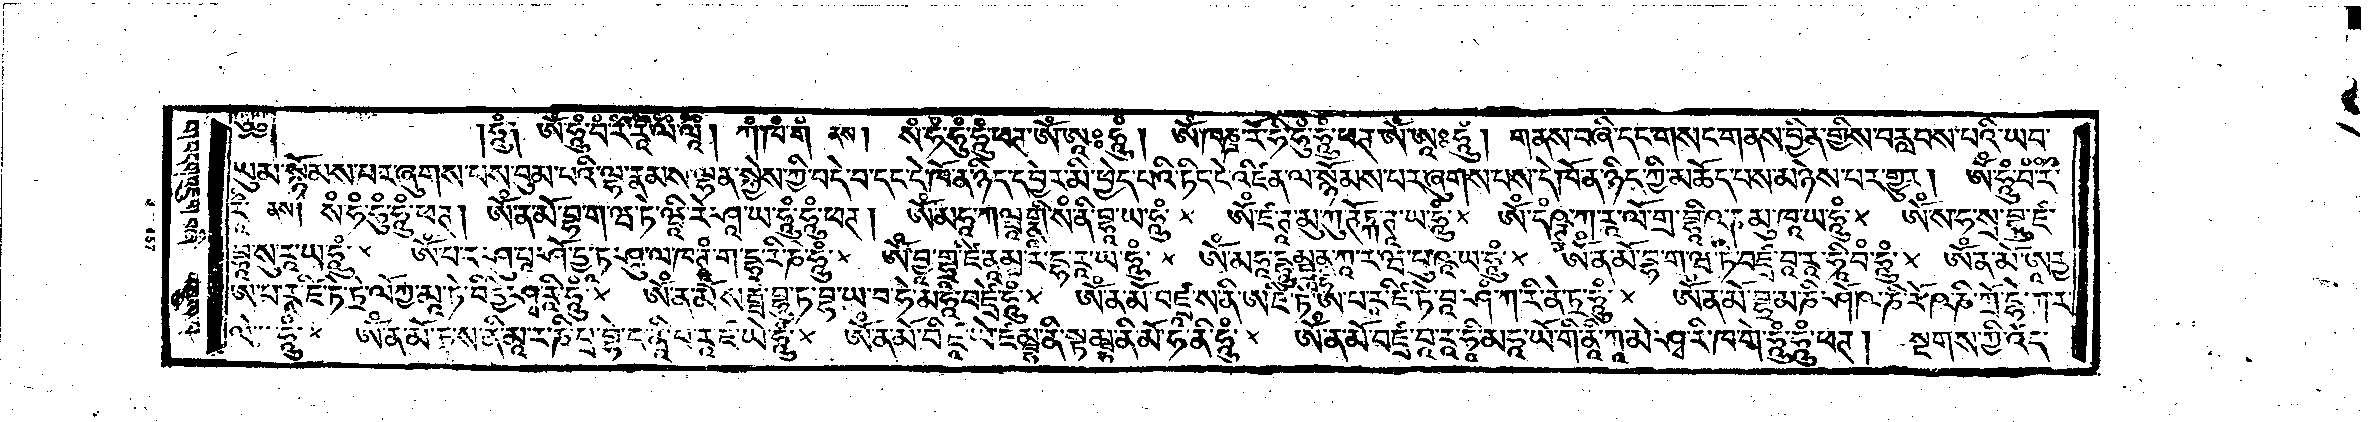༄༅། །ཧཱུཾ༑ ཨོཾ་ཧཱུཾ་བཾ་རཾ་རཱཾ་ལཾ་ལཱཾ། ཀཾ་ཁཾ་གཾ་ནས།  སཾ་ཧཾ་ཧཱུཾ་ཧཱུཾ་ཕཊ་ཨོཾ་ཨཱཿཧཱུཾ། ཨོཾ་ཁཎྜ་རོ་ཧི་ཧཱུཾ་ཧཱུཾ་ཕཊ་ཨོཾ་ཨཱཿཧཱུཾ། གནས་བཞི་དང་གསང་གནས་བྱིན་གྱིས་བརླབས་པའི་ཡབ་
ཡུམ་སྙོམས་པར་ཞུགས་པས་བུམ་པའི་ལྷ་རྣམས་ལྷན་སྐྱེས་ཀྱི་བདེ་བ་དང་དེ་ཁོ་ན་ཉིད་དབྱེར་མི་ཕྱེད་པའི་ཏིང་ངེ་འཛིན་ལ་སྙོམས་པར་ཞུགས་པས་དེ་ཁོ་ན་ཉིད་ཀྱི་མཆོད་པས་མཉེས་པར་གྱུར། ཨོཾ་ཧཱུཾ་བཾ་རྀཾ་
རཱྀ་ནས།  སཾ་ཧཾ་ཧཱུཾ་ཧཱུཾ་ཕཊ། ཨོཾ་ན་མོ་བྷ་ག་ཝ་ཏེ་ཝཱི་རེ་ཤཱ་ཡ་ཧཱུཾ་ཧཱུཾ་ཕཊ། ཨོཾ་བཧཱ་ཀལྤཱ་གནཱི་སཾ་ནི་བྷཱ་ཡ་ཧཱུཾ་྾་ཨོཾ་ཛ་ཊཱ་མུ་ཀུ་ཊ྾ངྐ་ཊཱ་ཡ་ཧཱུཾ་྾་ཨོཾ་དཾཥྚཱ་ཀ་རཱ་ལོ་གྲ་བྷཱི་ཥ་ཎ་མུ་ཁཱ་ཡ་ཧཱུཾ་྾་ཨོཾ་ས་ཧ་སྲ་བྷུ་ཛ་
བྷཱ་སུ་རཱ་ཡ་ཧཱུཾ་྾་ཨོཾ་པ་ར་ཤུ་པཱ་ཤོ་དྱཱ་ཏ་ཤུ་ལ་ཁ་ཊཱཾ་ག་དྷ་རི་ཎི་ཧཱུཾ་྾་ཨོཾ་བྱ་གྷྲཱ་ཛི་ནཱམྤ་རི་དྷ་རཱ་ཡ་ཧཱུཾ་྾་ཨོཾ་མཧཱ་དྷཱུམྦྲཱནྡྷ་ཀཱ་ར་ཝ་པུཥཱ་ཡ་ཧཱུཾ་྾་ཨོཾ་ན་མོ་བྷ་ག་ཝ་ཏི་བཛྲ་བཱ་རཱ་ཧཱུ་བམ་ཧཱུཾ་྾་ཨོཾ་ན་མོ་ཨཱརྱ་
ཨ་པ་རཱ་ཛི་ཏེ་ཏྲེ་ལོཀྱ་མཱ་ཏེ་བིདྱིར་ཤྭ་རཱི་ཧཱུཾ་྾་ཨོཾ་ན་མོ་སརྦྦ་བྷུ་ཏ་བྷ་ཡ་བ་ཧེ་མཧཱ་བཛྲེ་ཧཱུཾ་྾་ཨོཾ་ན་མོ་བཛྲ་ས་ནི་ཨ་ཛི་ཏ་ཨ་པ་རཱ་ཛི་ཏེ་བཱ་ཤཾ་ཀ་རི་ནེ་ཏྲ་ཧཱུཾ་྾་ཨོཾ་ན་མོ་བྷྲ་མ་ཎི་ཤོ་ཥ་ཎི་རོ་ཥ་ཎི་གྲོ་དྷེ་ཀ་ར་
ལེ་ཧཱུཾ་྾་ཨོཾ་ན་མོ་ཏྲ་ས་ནི་མཱ་ར་ཎི་པྲ་བྷེ་ད་ནཱི་པ་རཱ་ཛ་ཡེ་ཧཱུཾ་྾་ཨོཾ་ན་མོ་བིཛཱ་ཡེ་ཛམྦྷ་ནི་སྟ་མྦྷ་ནི་མོ་ཧ་ནི་ཧཱུཾ་྾་ཨོཾ་ན་མོ་བཛྲ་བཱ་རཱ་ཧཱི་མཧཱ་ཡོ་གེ་ནཱི་ཀཱ་མེ་ཤྭ་རི་ཁ་གི་ཧཱུཾ་ཧཱུཾ་ཕཊ། སྔགས་ཀྱི་འོད་